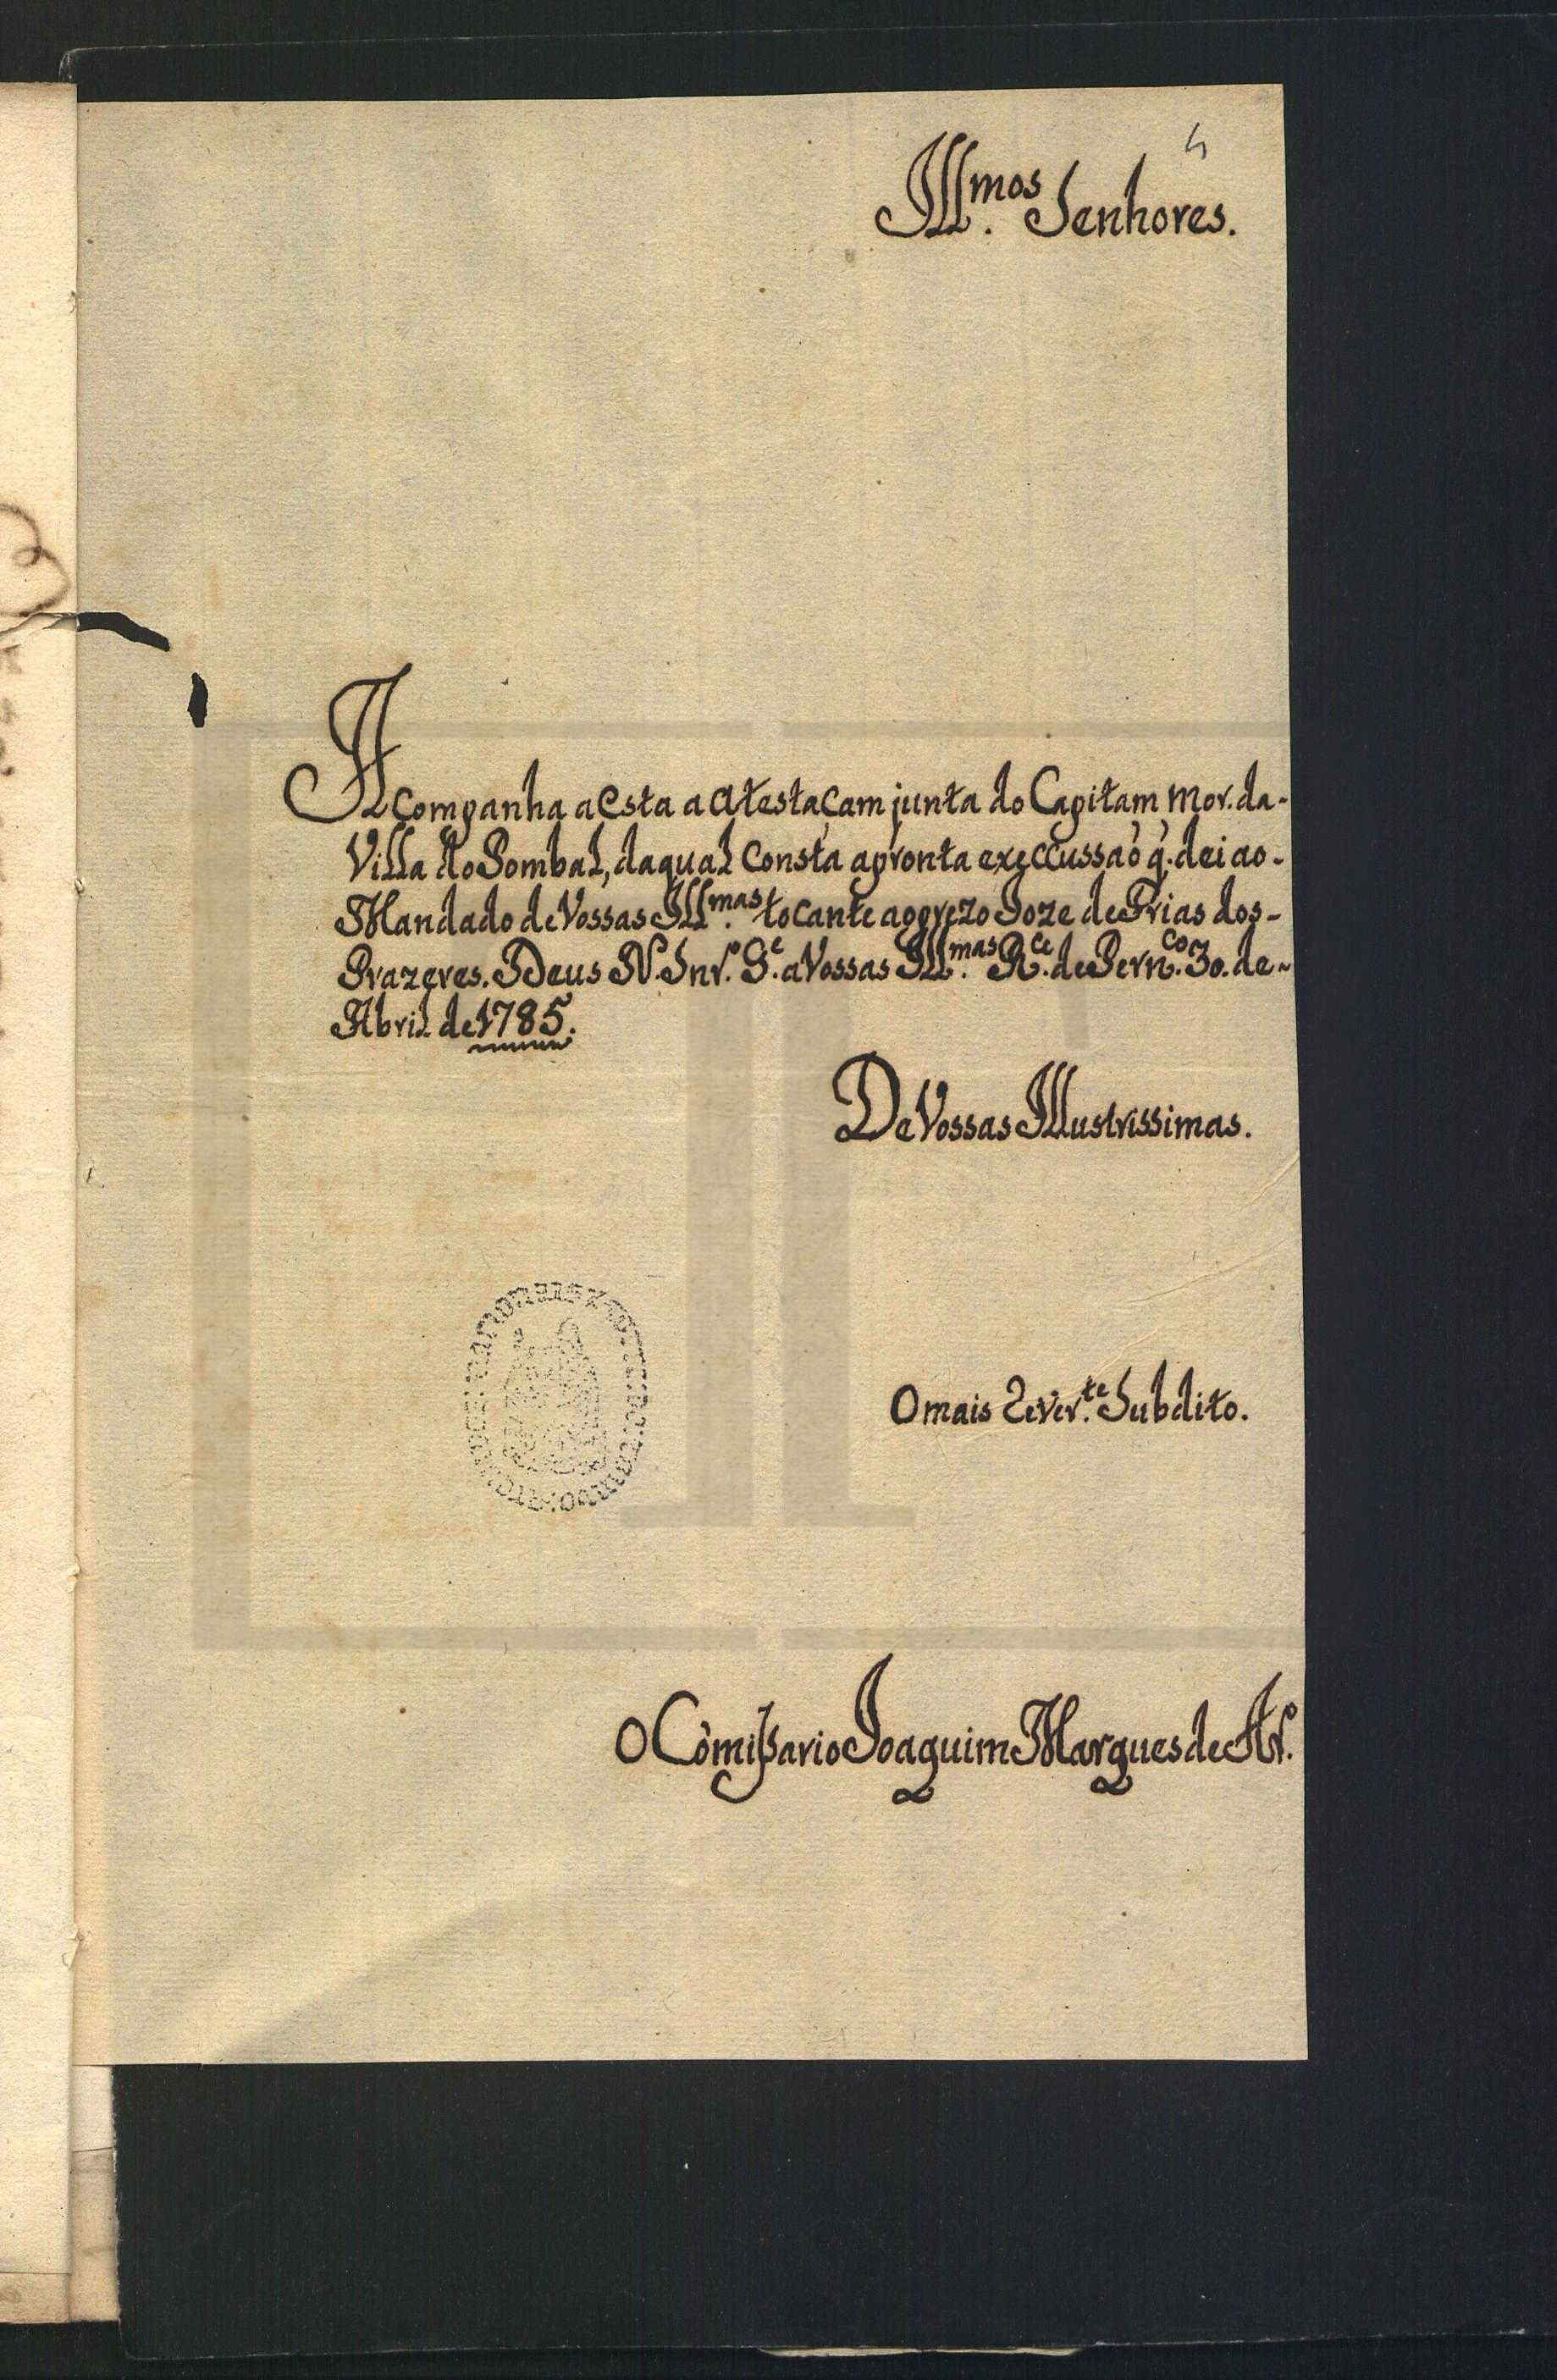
Ill.mos Senhores.
Acompanha a esta a atestaçam junta do Capitam mor. da
Villa do Pombal, da qual consta a pronta execcussaõ q̄. dei ao
Mandado de Vossas Ill.mas tocante ao prezo Ioze de Frias dos
Prazeres, Deus N. Snr.o G.e a Vossas Ill.mas Rce. de Pern.co 30. de
Abril de 1785.
De Vossas Illustrissimas.
O mais Rever.te Subdito.
O Cōmissario Ioaquim Marques de Ar.o
